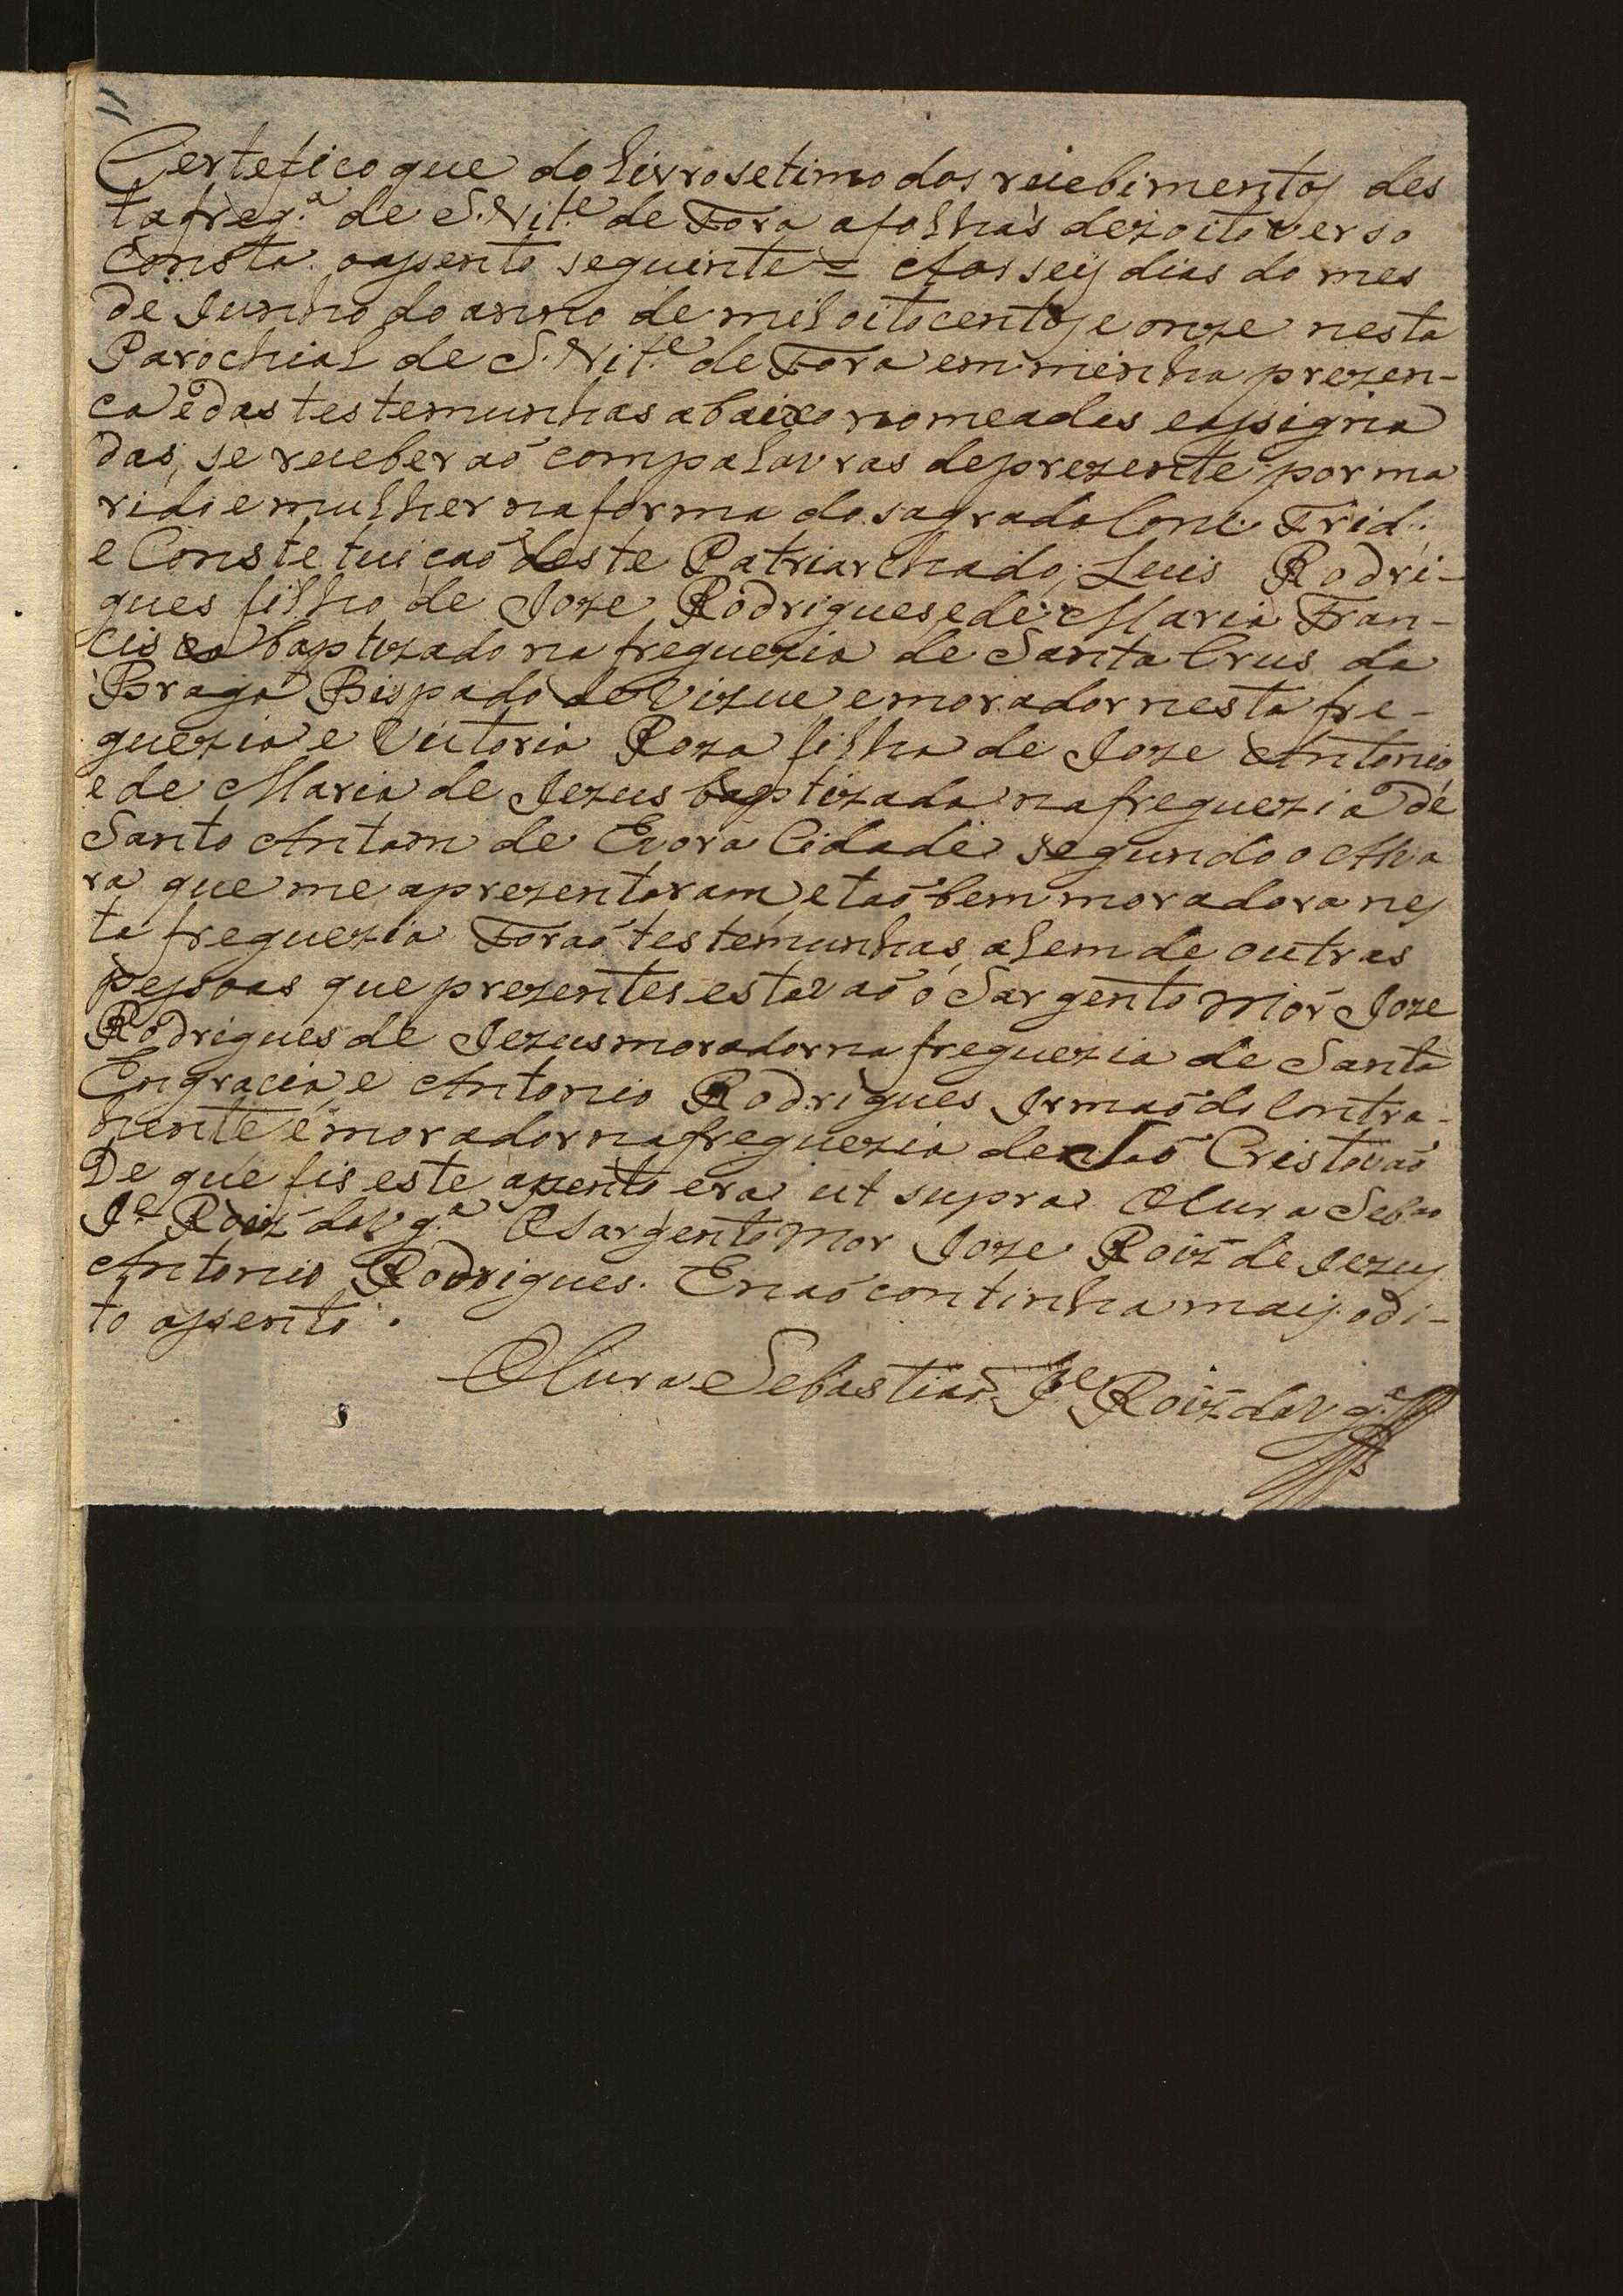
Certefico que do Livro setimo dos recebimentos des
ta freg. de S. Vit.e de Fora a folhas dezoito verso
consta o assento seguinte= Aos seis dias do mes
de Junho do anno de mil oitocentos e onze nesta
Parochial de S. Vit.e de Fora em minha prezen
ça e das testemunhas abaixo nomeades e assigna
das, se receberaõ com palavras de prezente por ma
rido e mulher na forma do sagrado Conc. Trid.
e Constetuiçaõ deste Patriarchado; Luis Rodri
ques filho de Joze Rodrigues, e de Maria Fran
cisca baptizado na freguezia de Santa Crus de
Braga Bispado de Vizeu, e morador nesta fre
guezia, e Victoria Roza filha de Joze Antonio,
e de Maria de Jezus baptizada na freguezia de
Santo Antam de Evora Cidade segundo o Alva
ra que me aprezentaram, e taõbem moradora nes
ta freguezia Foraõ testemunhas, aLem de outras
pessoas que prezentes estavaõ o Sargento mór Joze
Rodrigues de Jezus morador na freguezia de Santa
Engracia, e Antonio Rodrigues Jrmaõ do Contra
hente e morador na freguezia de Saõ Cristovaõ
De que fis este assento era ut supra O cura Seb.ao
J.e Roiz̄ da Vg.a O Sargento mor Joze Roiz̄ de Jezus
Antonio Rodrigues. E naõ continha mais o di
to assento
O Cura Sebastiaõ Je Roiz̄ da Vg.a
